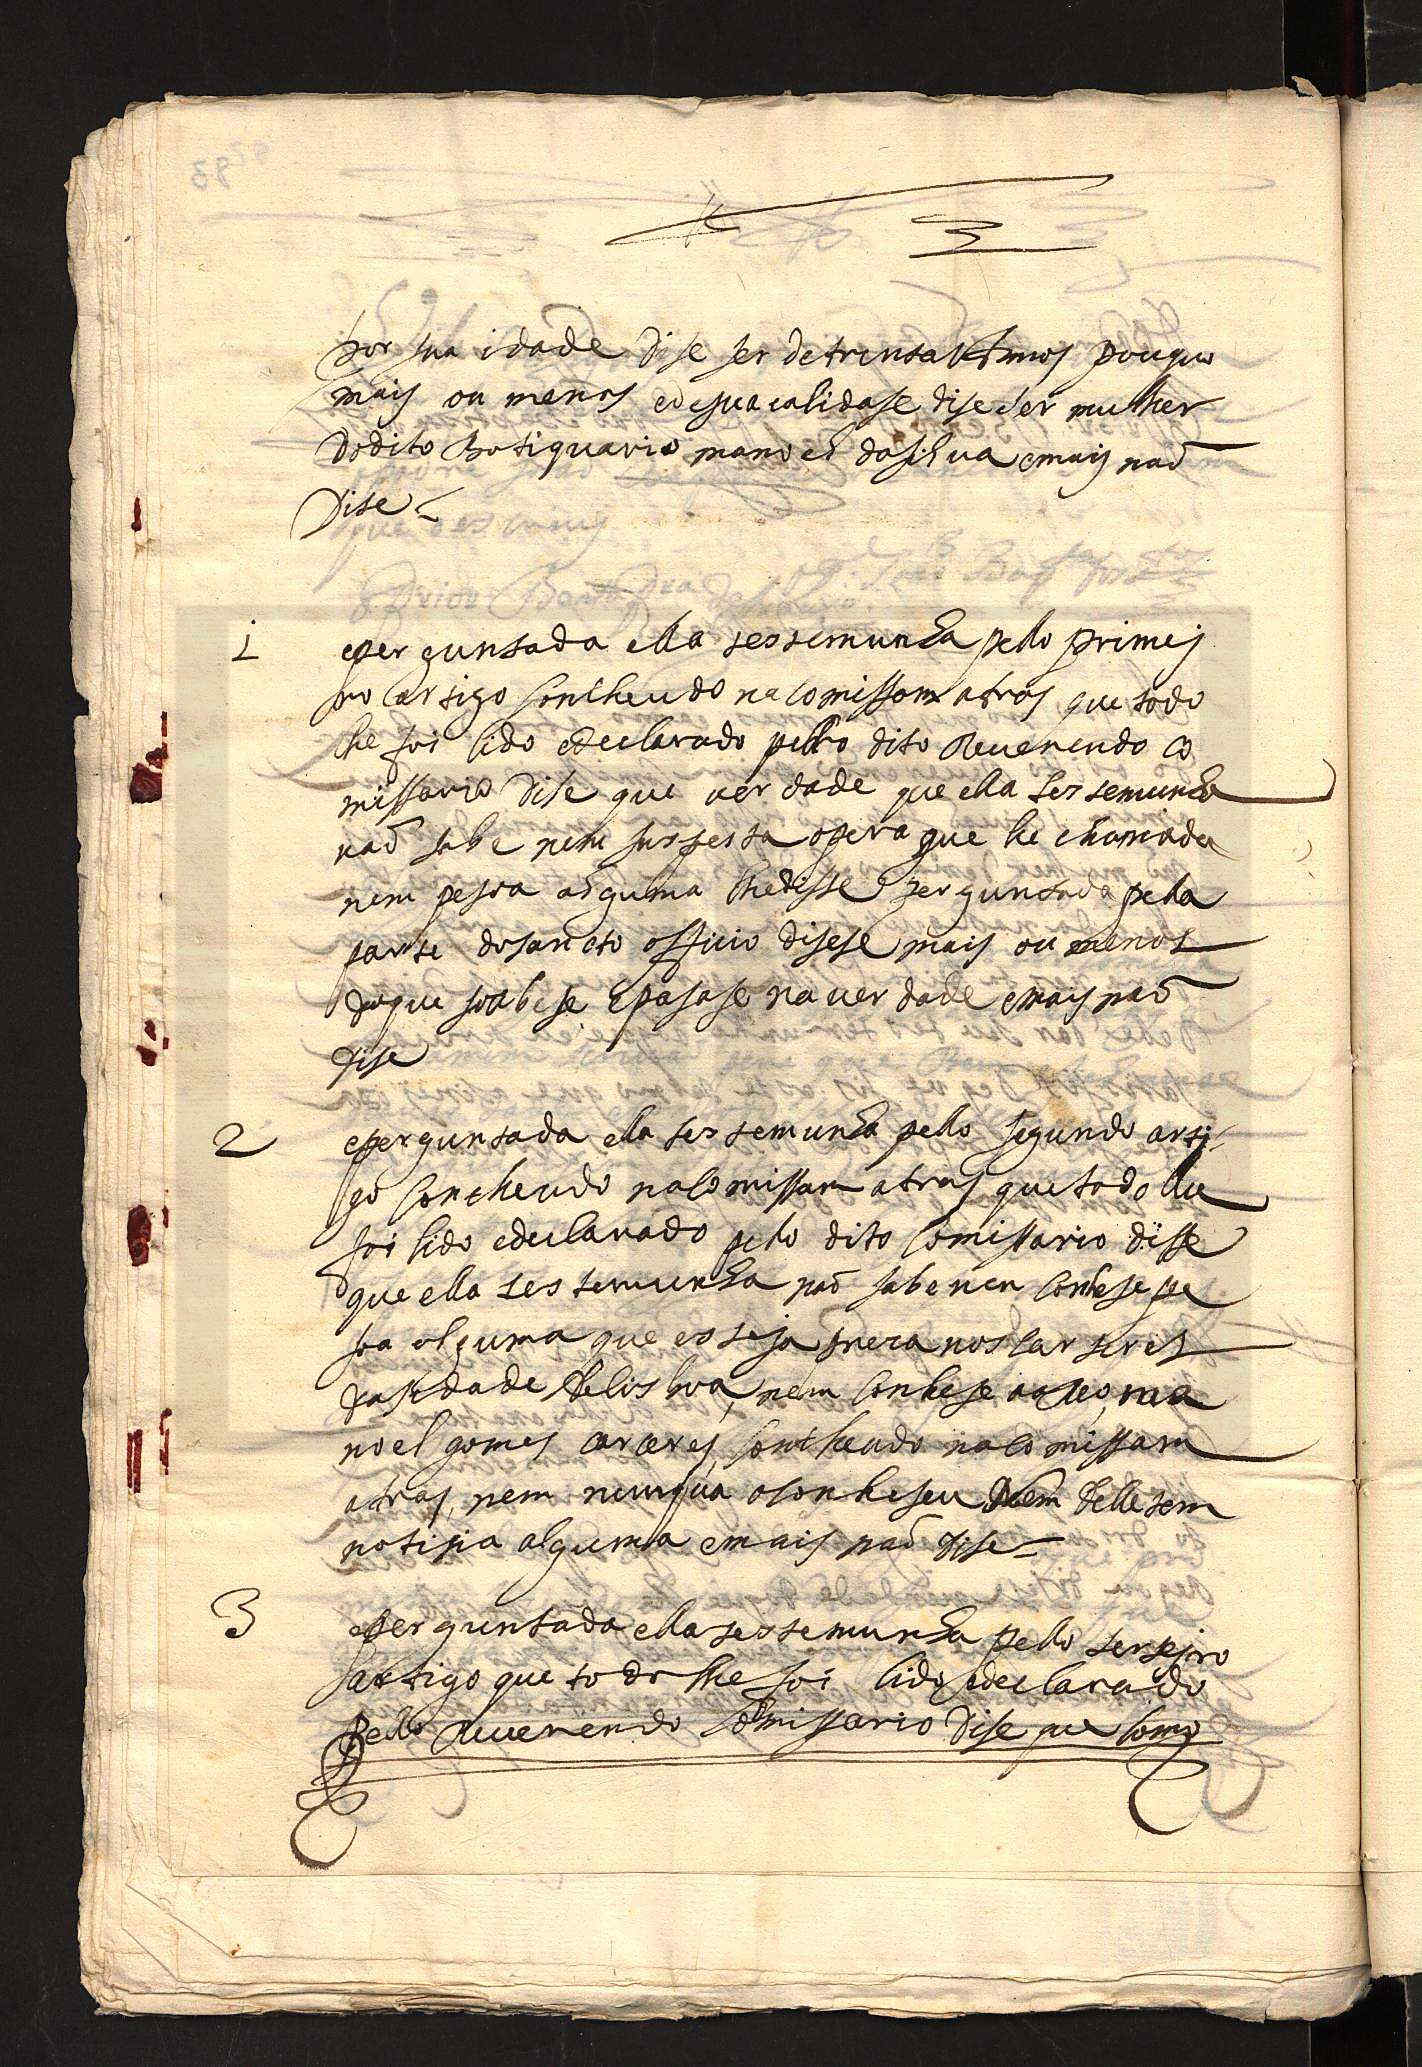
por sua idade dise ser de trinta Annos pouquo
mais ou menos e de sua calidase dise ser mulher
Do dito Botiquario manoel da Silua e mais naõ
Dise
e perguntada ella testemunha pello primej
ro artigo Contheudo na comissam atras que todo
lhe foi lido e declarado pello dito Reuerendo co
missario dise que verdade que ella testemunha
naõ sabe nem suspeita o pera que he chamada
bem pesoa alguma lhe disse perguntada pela
parte do sancto officio disese mais ou menos
do que soubese e pasase na verdade e mais naõ
dise
e perguntada ella testemunha pello segundo arti
go Contheudo na Comissam atras que todo
foi lido e declarado pelo dito Comissario disse
que ella testemunha naõ sabe nem conhese pe
soa alguma que esteja preza nos carseres
da sidade De lisboa, nem conhese ao Reo, ma
noel gomes carceres, Contheudo na comissam
atras, nem nunqua o conheseu Nem Delle tem
notisia alguma e mais naõ Dise
e perguntada ella testemunha pello terseiro
artigo que todo lhe foi lido e declarado
pello Reuerendo Comissario Disse que Como
